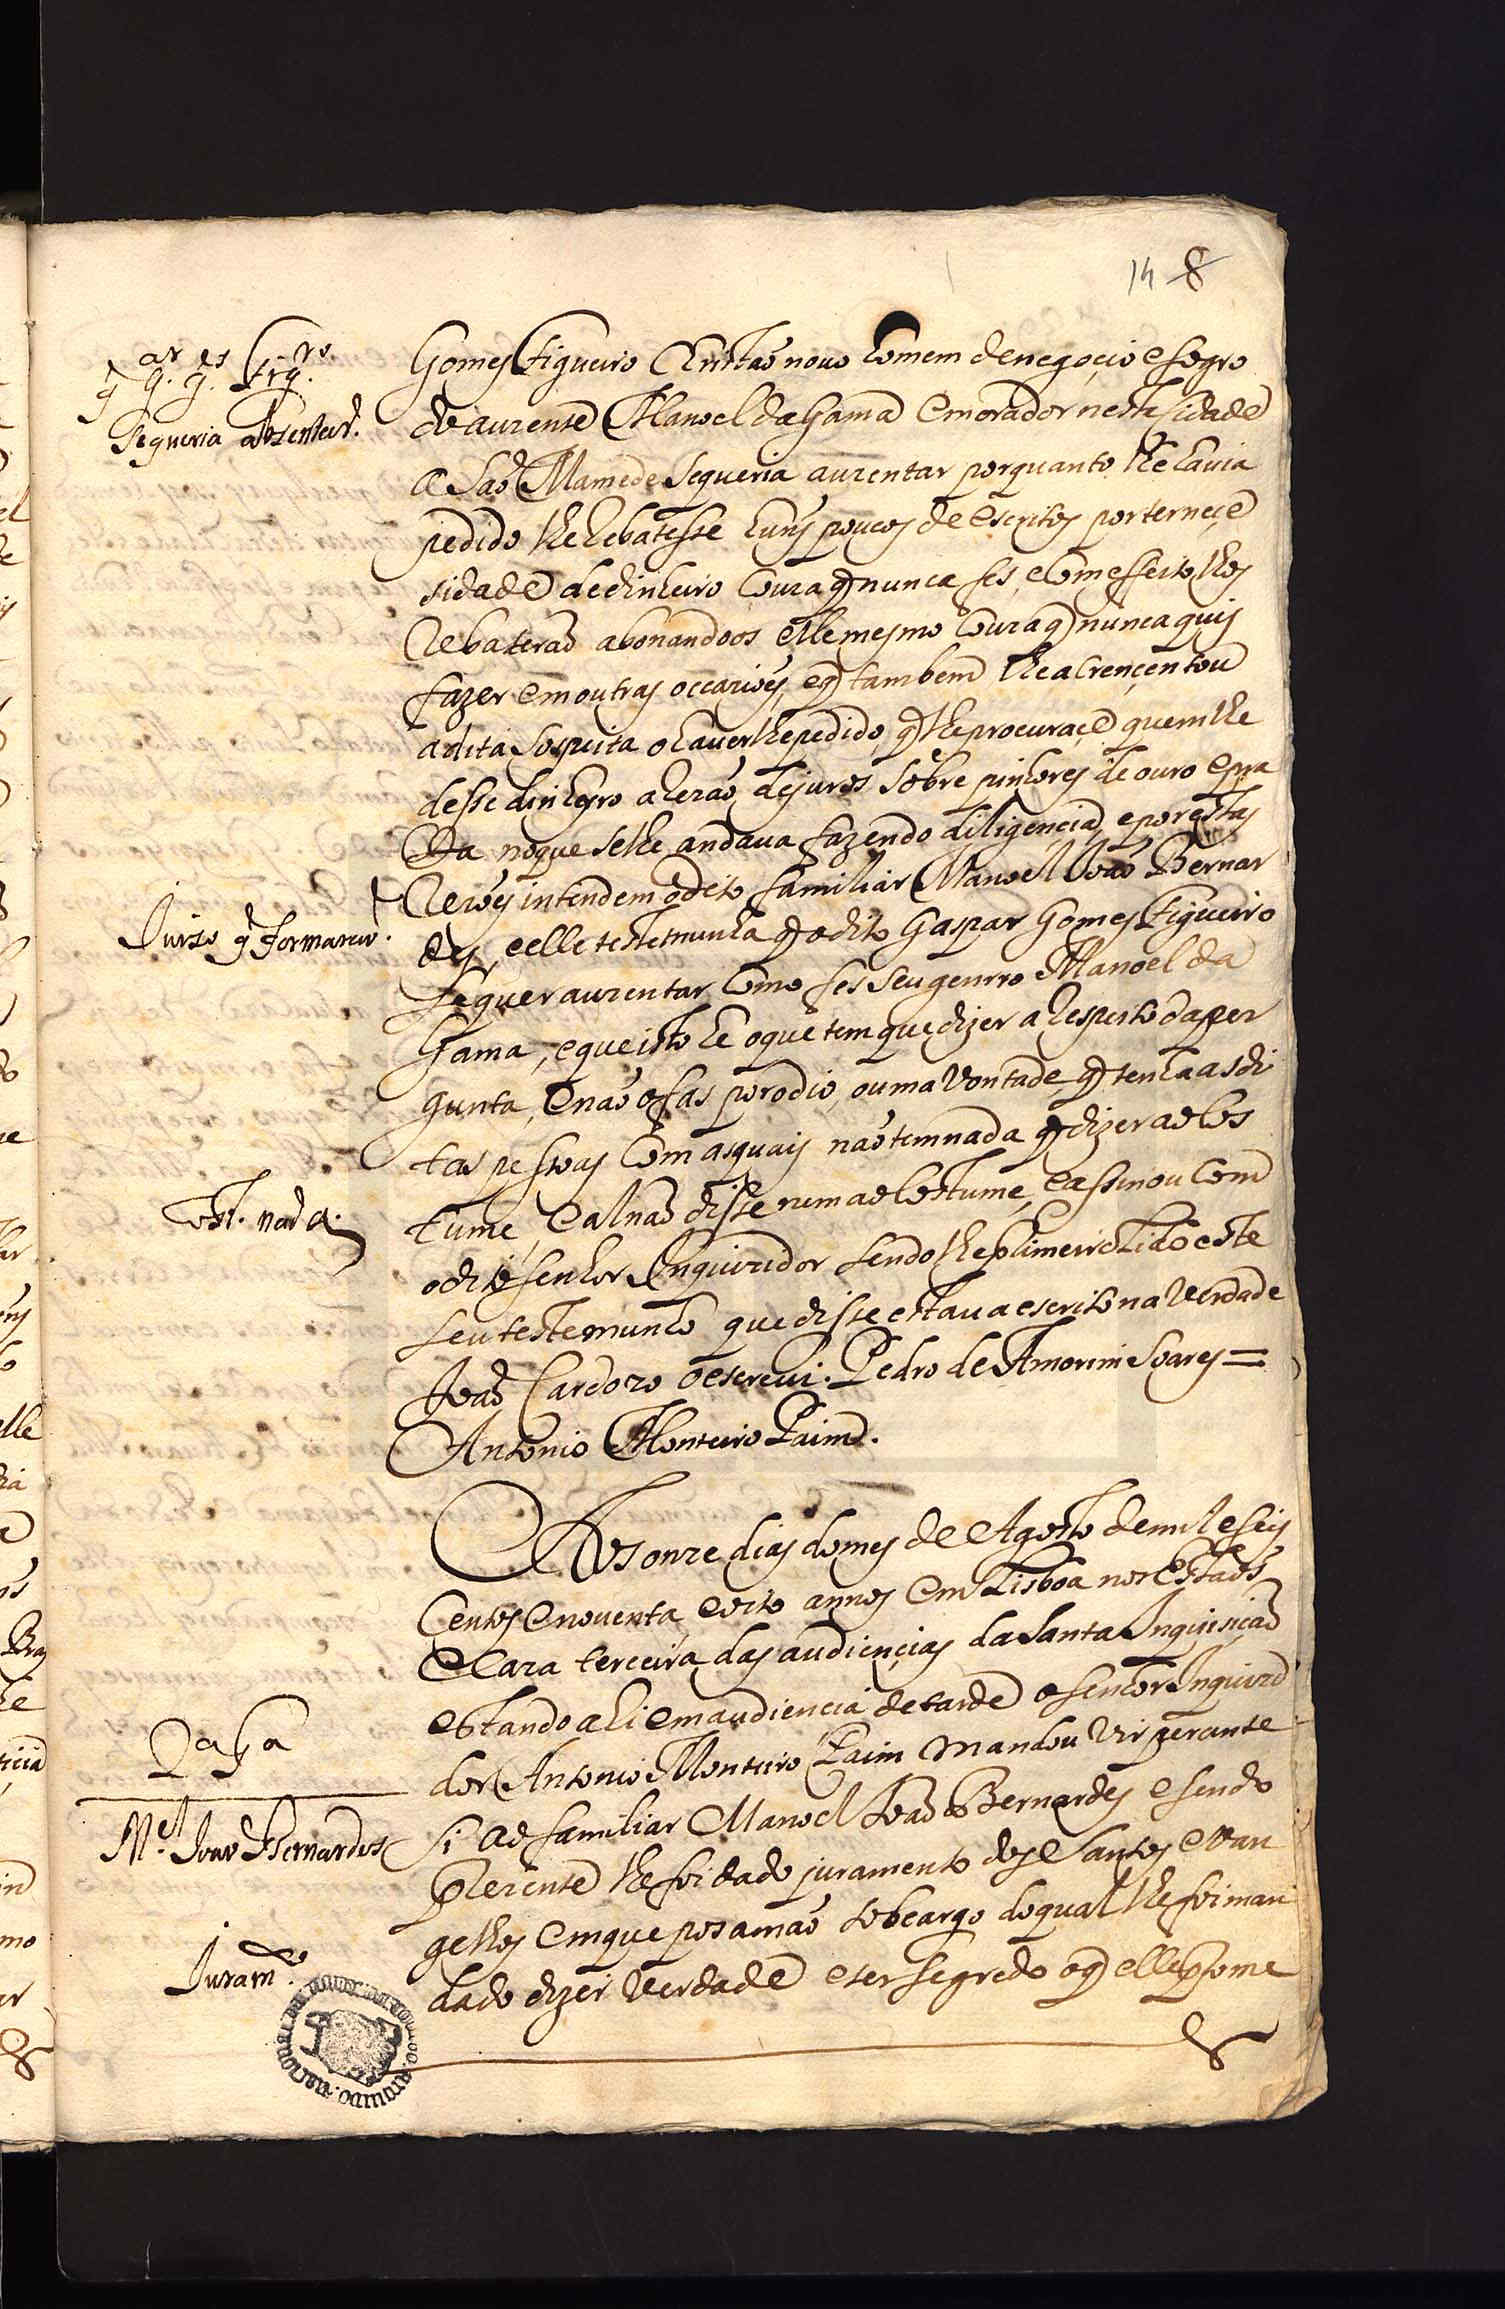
q̄ g.ar g.es Fig.ro
se queria abzentar.
Juizo q̄ formaraõ
cost. nada.
2.a Ta
M.el Joaõ Bernardes
Juramto.
Gomes Figueiro Christaõ nouo homem de negoçio e sogro
do auzente Manoel da Gama e morador nesta Cidade
a Saõ Mamede Se queria auzentar porquanto lhe hauia
pedido lhe Rebatesse hun̄s poucos de escritos por ter nece
sidade de dinheiro Couza q̄ nunca fes, e Com effeito lhos
Rebateraõ abonandoos elle mesmo couza q̄ nunca quis
fazer em outras occazioẽs, e q̄ tambem lhe acrencentou
a dita sospeita o hauerlhe pedido, q̄ lhe procurace quem lhe
desse dinheyro a Rezaõ de juros sobre pinhores de ouro e pra
ta no que se lhe andaua fazendo diligencia, e por estas
Rezões intendem o dito familiar Manoel Ioaõ Bernar
des e elle testemunha q̄ o dito Gaspar Gomes Figueiro
se quer auzentar como fes seu genrro Manoel da
Gama, e que isto he o que tem que dizer a Respeito da per
gunta, e naõ o fas por odio, ou ma vontade, q̄ tenha as di
tas pessoas com as quais naõ tem nada q̄ dizer ao cos
tume, E al naõ disse nem ao costume, e assinou com
o dito senhor Inquizidor sendolhe primeiro Lido este
seu testemunho que disse estaua escrito na verdade
Joaõ Cardozo o escreui. Pedro de Amorim Soares =
Antonio Monteiro Paim.
Aos onze dias do mes de Agosto de mil e seis
Centos e nouenta e oito annos em Lisboa nos Estaos
E caza terceira das audiencias da Santa Inquisiçaõ
estando ahi em audiencia de tarde o senhor Inquizi
dor Antonio Monteiro Paim mandou vir perante
si ao familiar Manoel Ioaõ Bernardes e sendo
prezente lhe foi dado juramento dos Santos evan
gelhos em que pos a maõ sob cargo do qual lhe foi man
dado dizer verdade e ter segredo o q̄ elle prome
